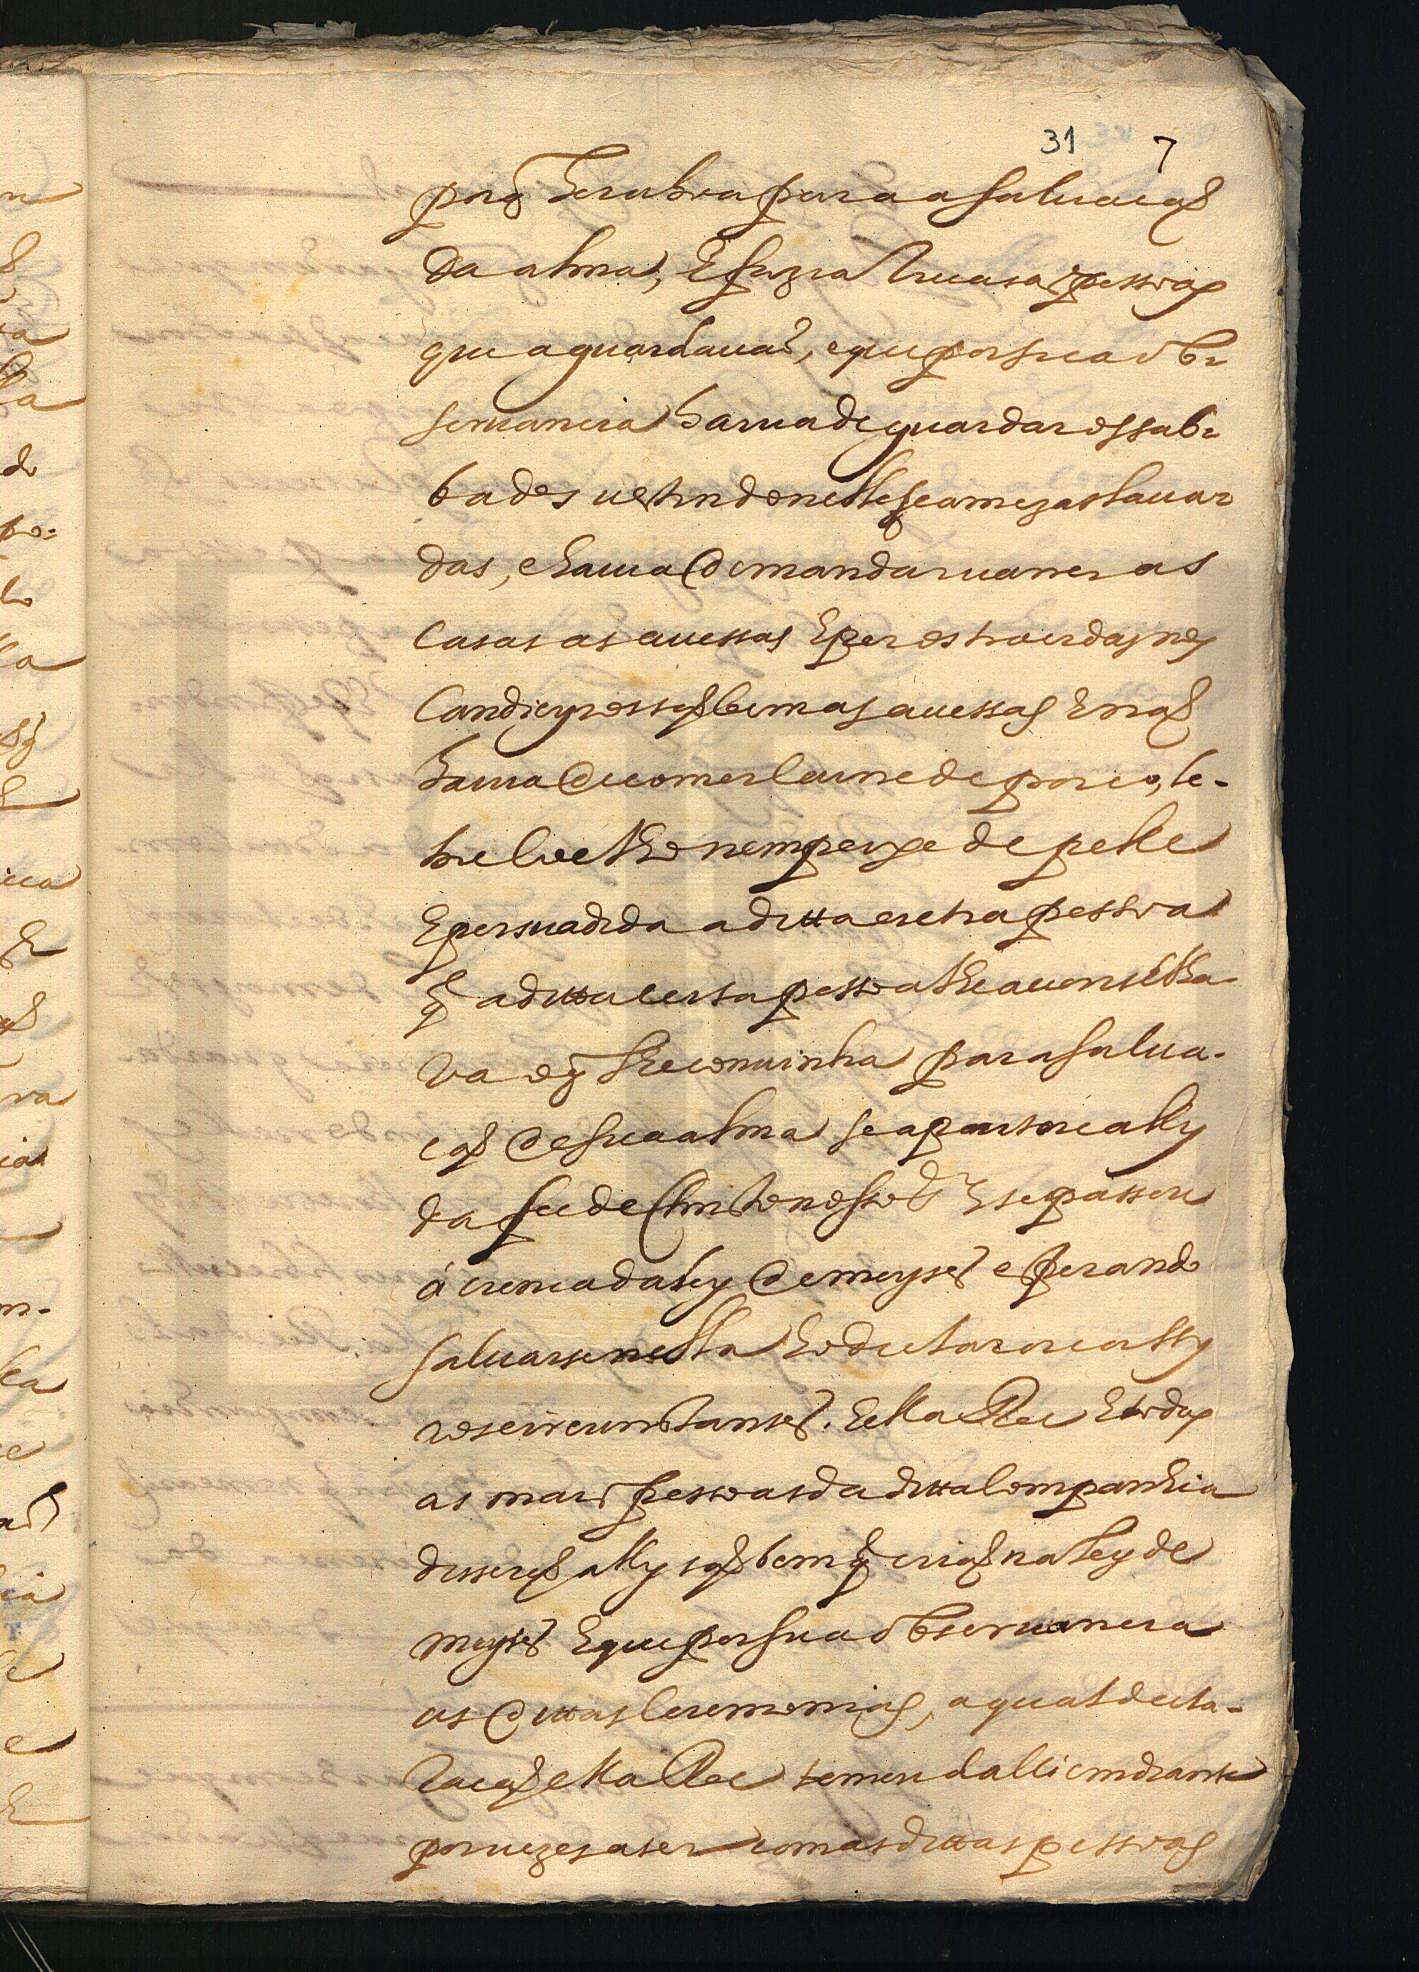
porq̄ hera boa para a saluacaõ
Da alma, E fazia Riccas as pessoas
que a guardauaõ, e que por sua ob
seruancia hauia de guardar os sab
bados uestindo nelles camizas laua
das, e hauia de mandar uarrer as
casas as auessas E por os trocidas nos
Candieyros taõbem as auessas E naõ
hauia de comer carne de porco, le
bre Coelho nem pexe de pelle
E persuadida a ditta outra pessoa
q̄ a ditta certa pessoa lhe acconselha
va o q̄ lhe conuinha para salua
caõ de sua alma se apartou ally
da fee de Christo nosso sor E se passou
á crenca da ley de moyses esperando
saluarse nella E o declarou assy
aos circunstantes. E ella Ree E todas
as mais pessoas da ditta companhia
disseraõ ally taõbem q̄ criaõ na Ley de
moyses E que por sua obseruancia
as dittas ceremonias, a qual decla
Racaõ ella Ree tornou dalli em diante
por uezes a ter com as dittas pessoas
